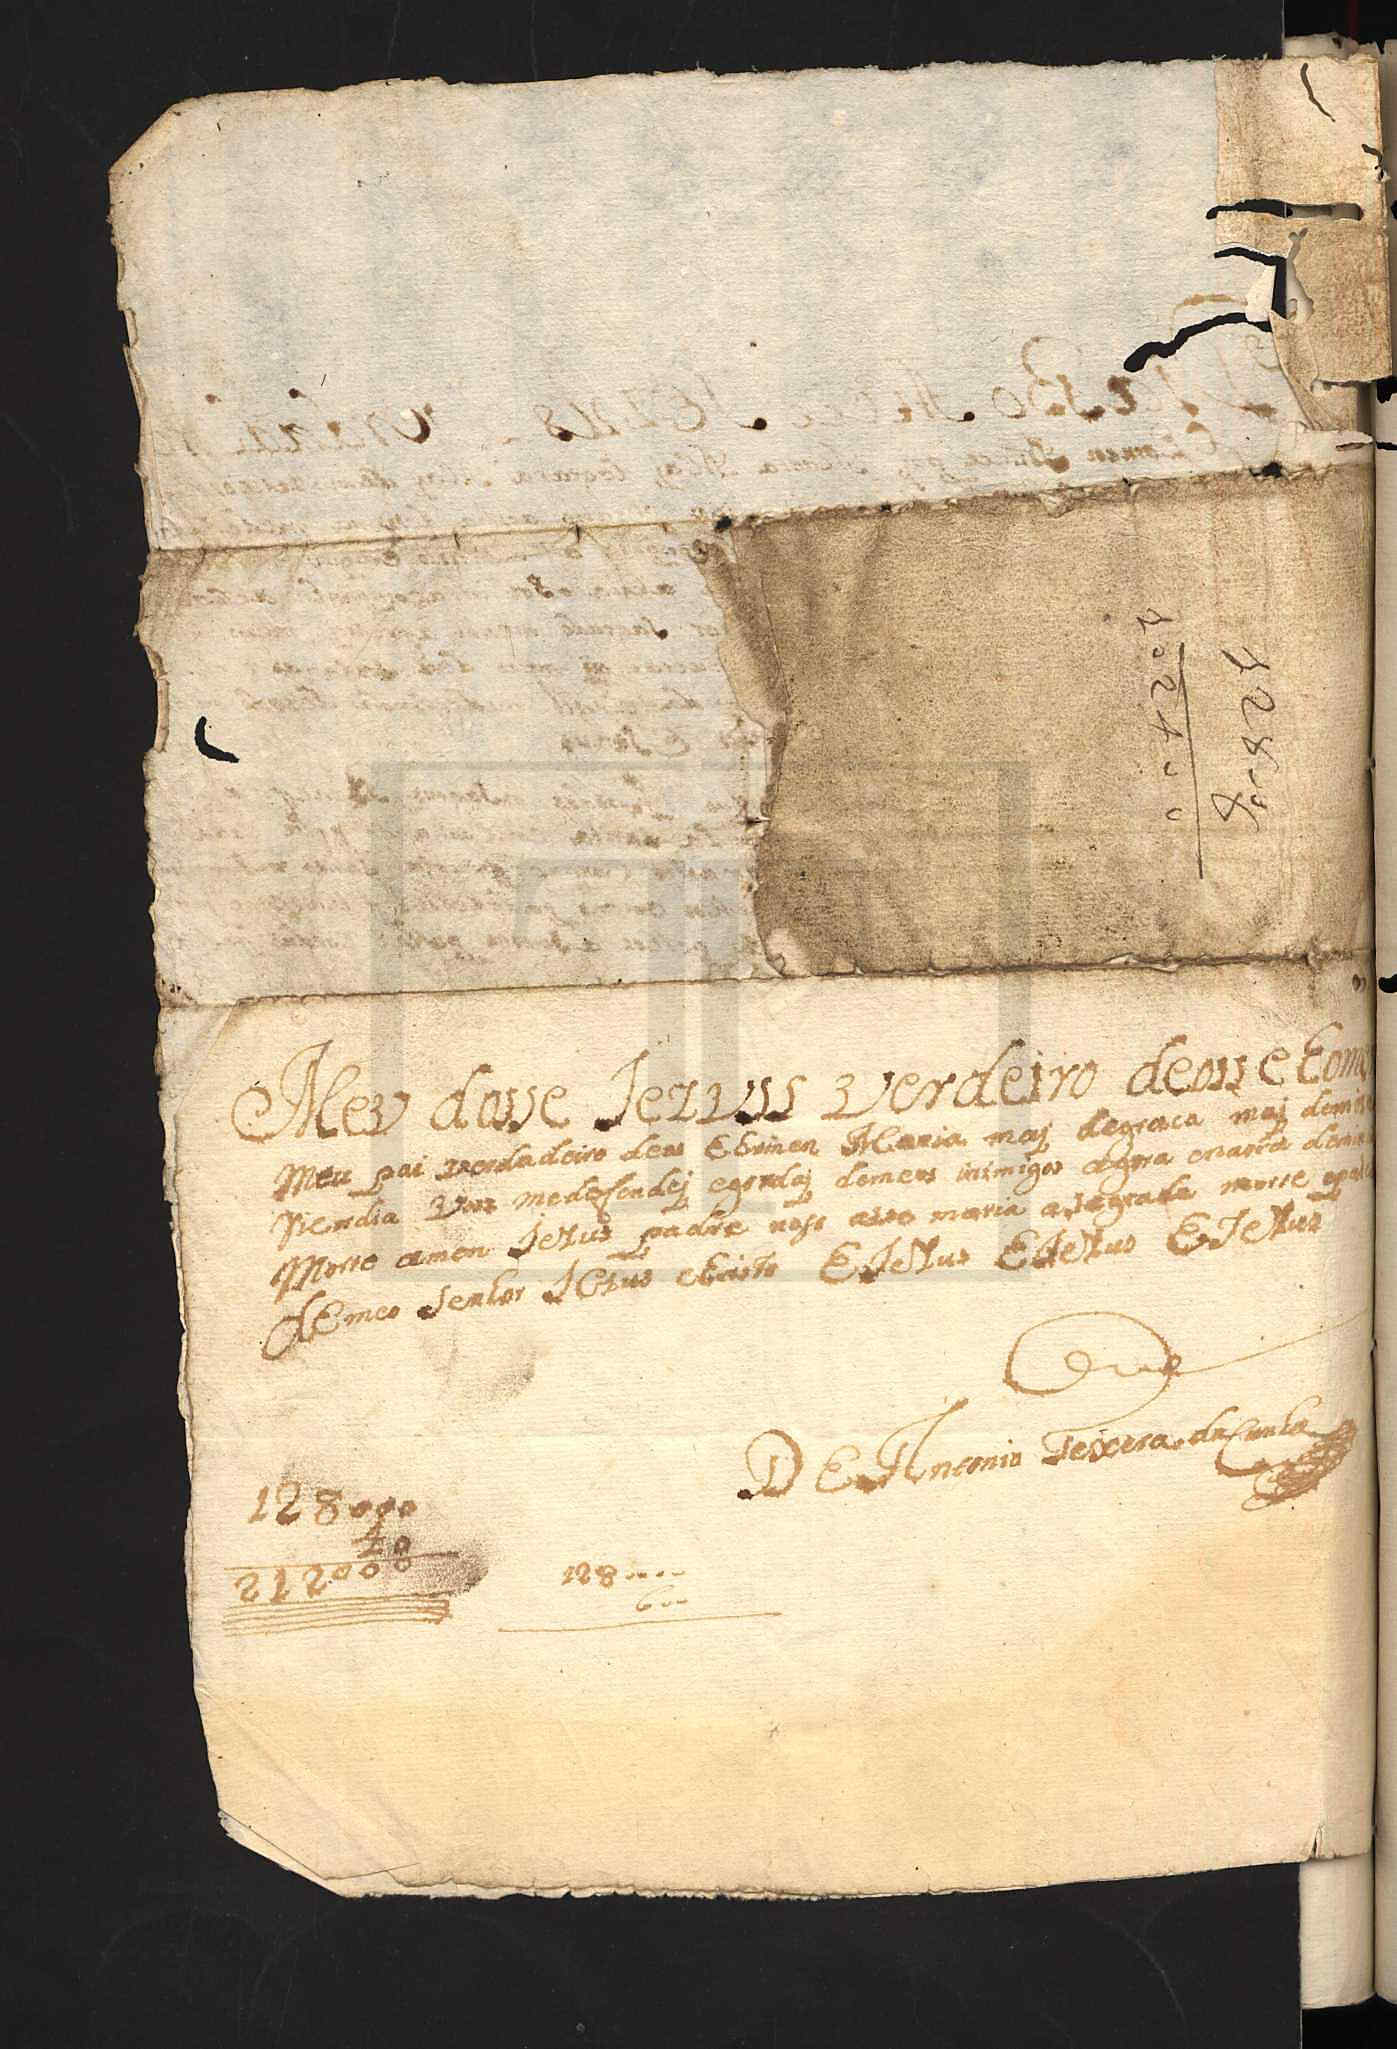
MeV dosse IeZVSS Verdeiro deoss e home
meu pai verdadeiro deos E homen Maria may de graça maj de mise
ricordia ven me defendej e gordaj de meos inimigos agora e na ora de min
Morte amem Iezus padre noso ave maria a sagrada morte e pala
DE meo Senhor Iezus christo E IeZus E IeZus E IeZus
DE Antonio Texera da Cunha
128000
40
128
212.000
600
